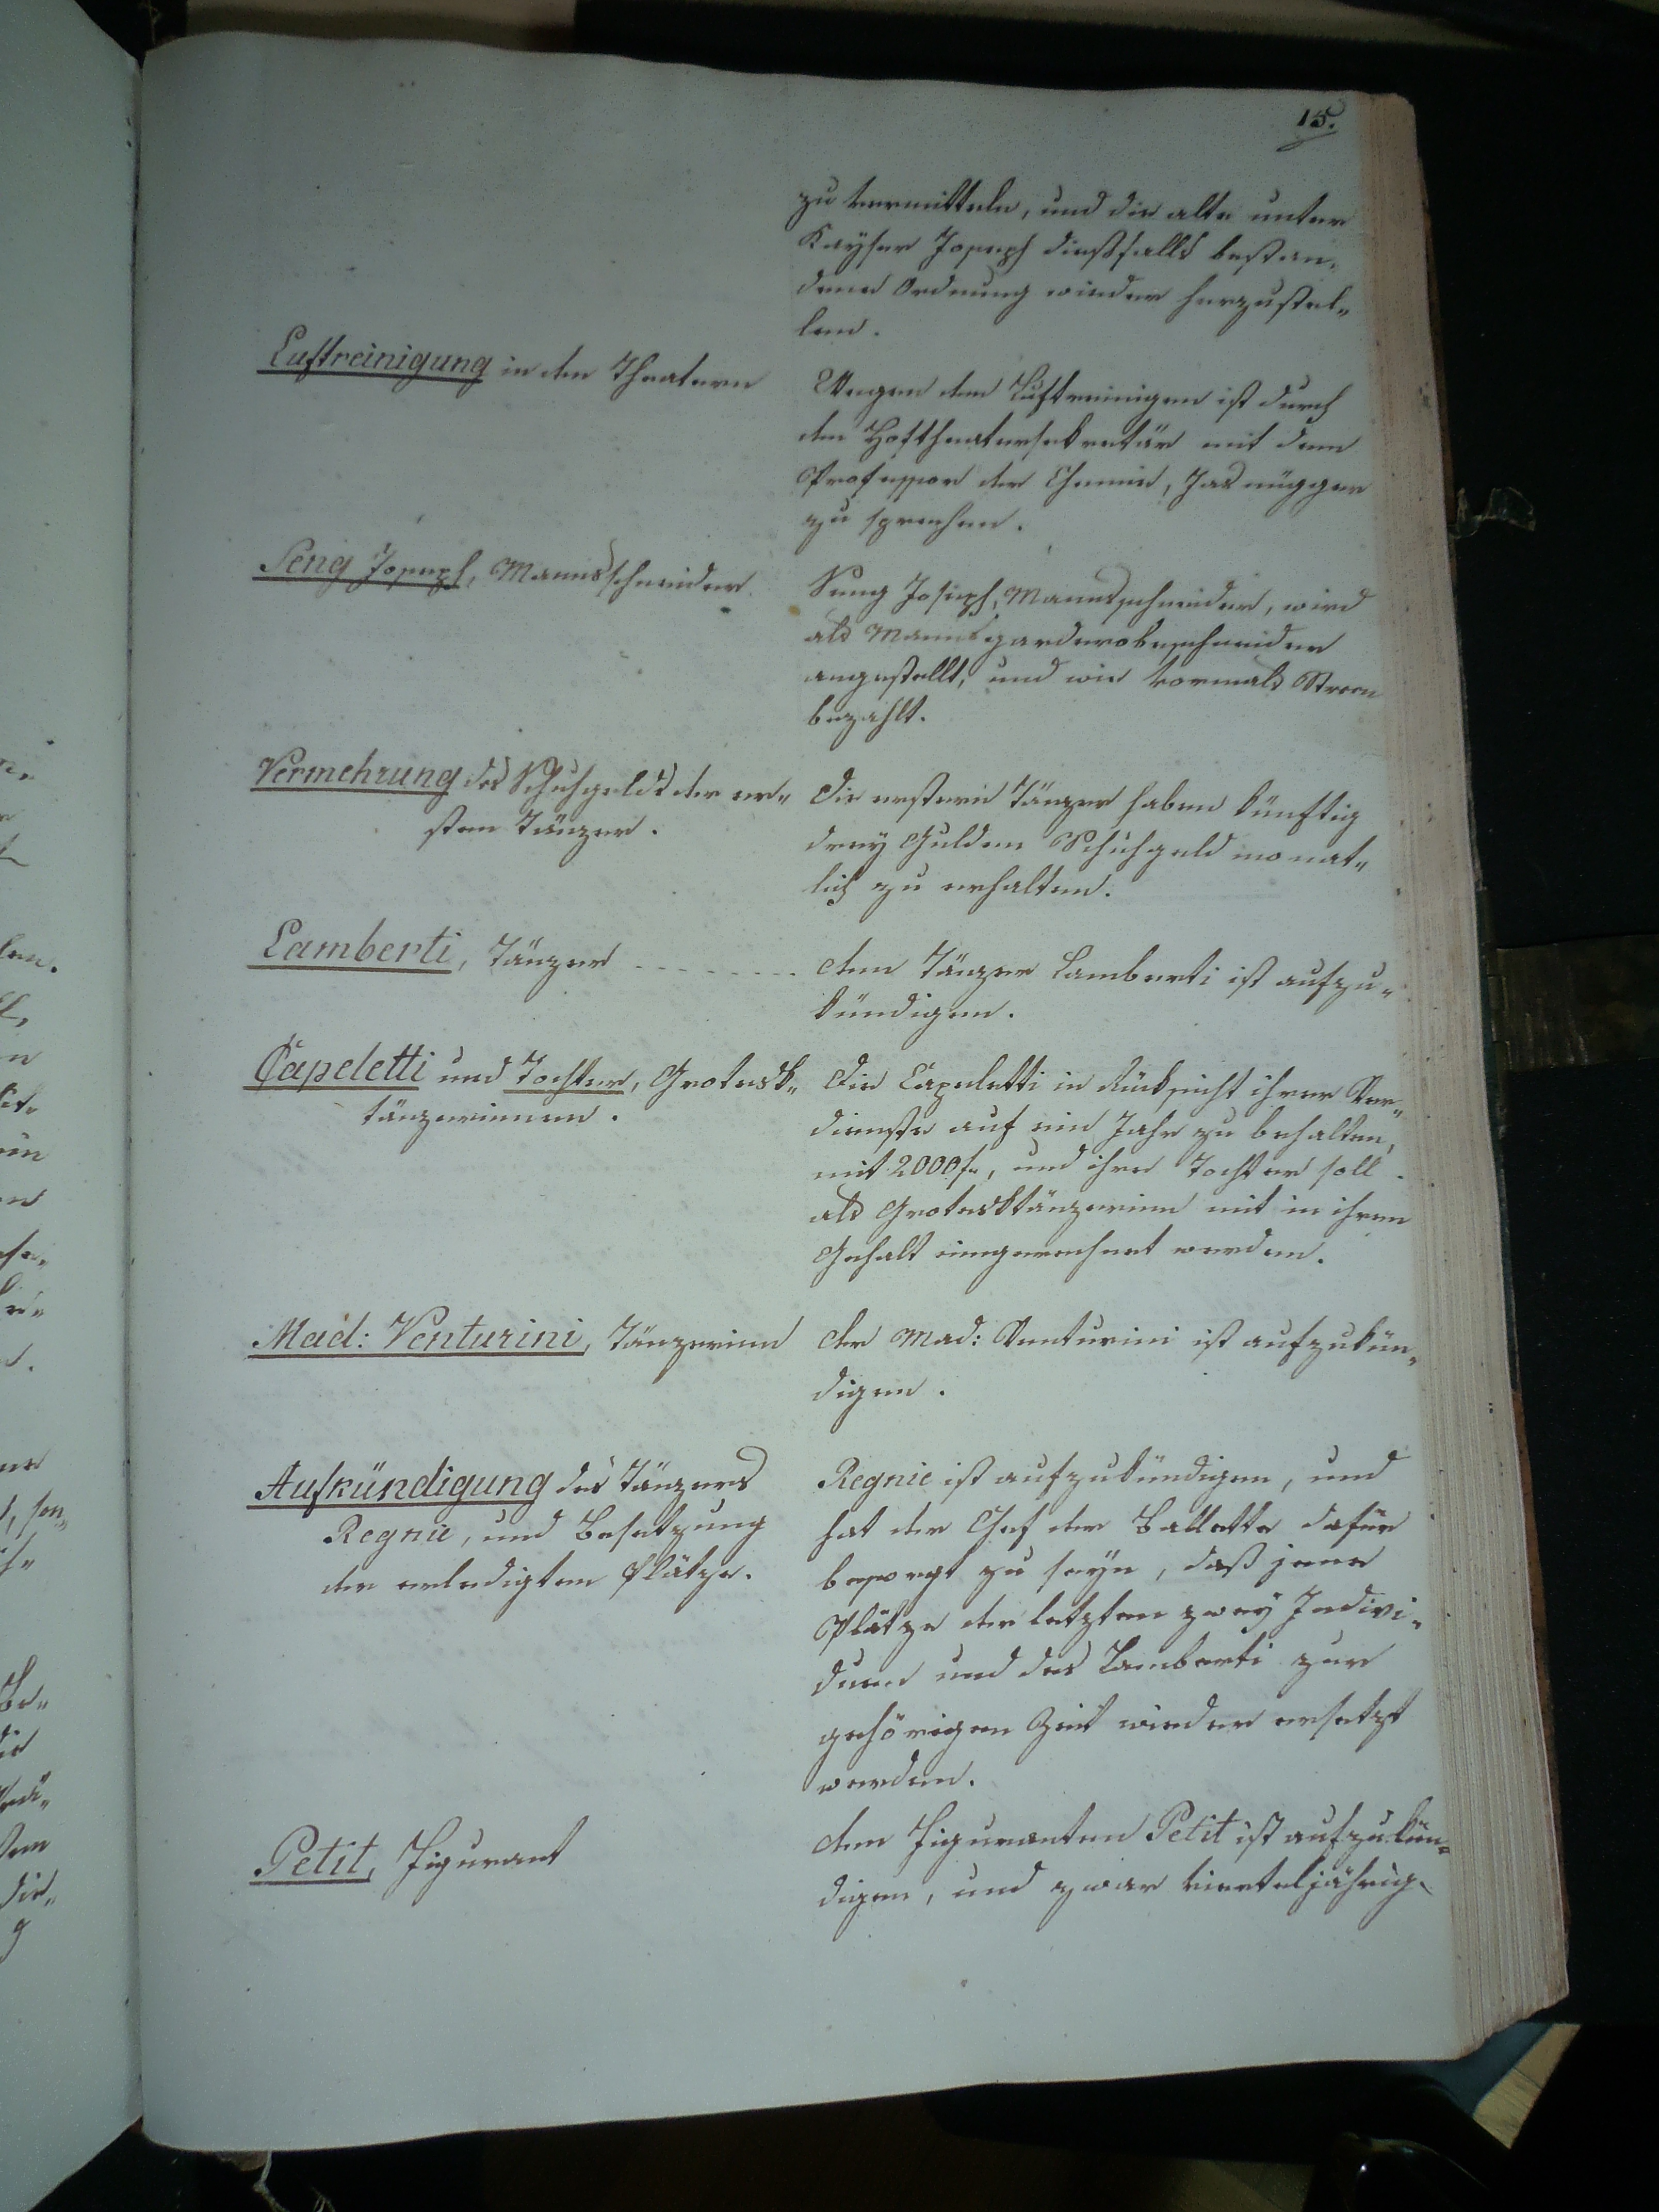15.
zu vermitteln, und die alte unter
Kayser Joseph dießfalls bestan¬
dene Ordnung wieder herzustel¬
len.
Luftreinigung in den Theatern Wegen dem Luftreinigen ist durch
den Hoftheatersekretär mit dem
Professor der Chemie, Jasnüggen
zu sprechen.
Seng Joseph, Mannsschneider Seng Joseph, Mannsschneider, wird
als Mannsgarderobeschneider
angestellt, und wie vormals Streen
bezahlt.
Vermehrung des Schuhgelds der er¬
sten Tänzer .
Die erstern Tänzer haben künftig
drey Gulden Schuhgeld monat¬
lich zu erhalten.
Lamberti, Tänzer …….. Dem Tänzer Lamberti ist aufzu¬
kündigen.
Capeletti und Tochter, Grotesk¬
tänzerinnen.
Die Capeletti in Rücksicht ihrer Ver¬
dienste auf ein Jahr zu behalten,
mit 2000fn, und ihre Tochter soll
als Grotesktänzerinn mit in ihrem
Gehalt eingerechnet werden.
Mad: Venturini, Tänzerinn Der Mad: Venturini ist aufzukün¬
digen.
Aufkündigung des Tänzers
Regnie, und Besetzung
der erledigten Plätze.
Regnie ist aufzukündigen, und
hat der Chef der Balette dafür
besorgt zu seyn, daß jene
Plätze der letzten zwey Indivi¬
duen und des Lamberti zur
gehörigen Zeit wieder ersetzt
werden.
Petit, Figurant Dem Figuranten Petit ist aufzukün¬
digen, und zwar vierteljährig.